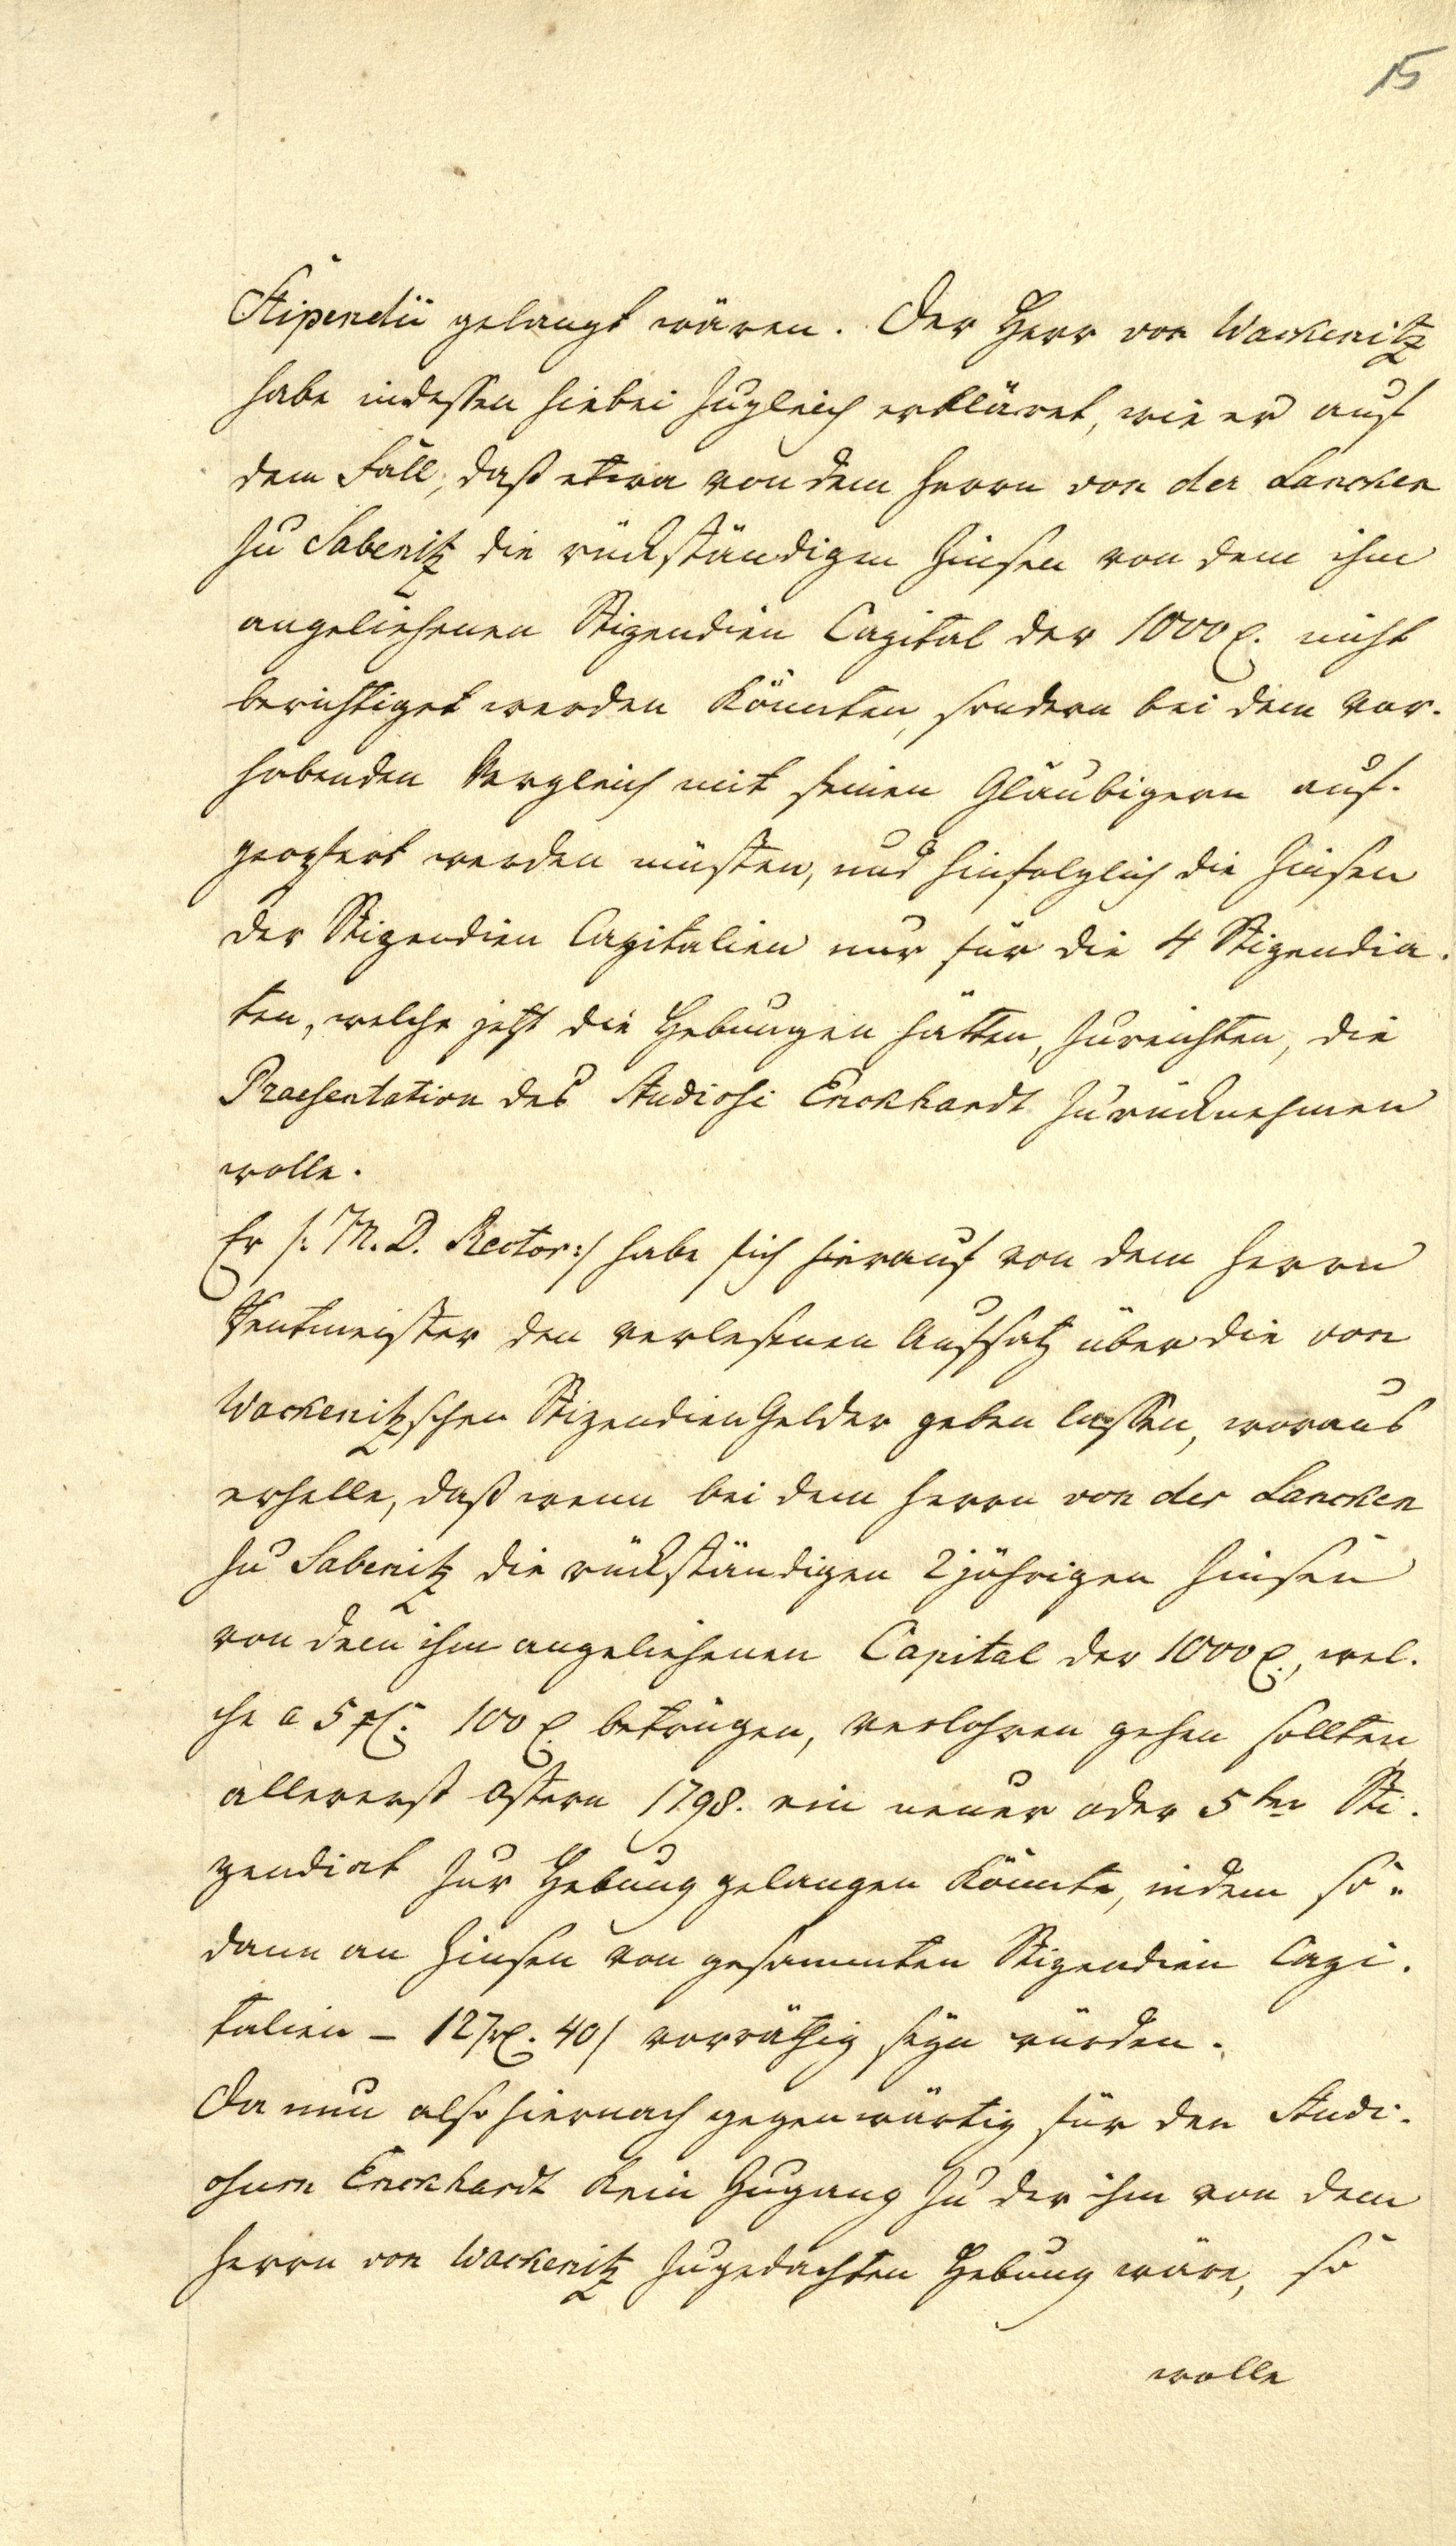Stipendii gelangt wären. Der Herr von Wackenitz
habe indessen hiebei zugleich erkläret, wir er auf
dem Fall, daß etwa von dem herrn von der Lancken
zu Sabenitz die rückständigen Zinsen von dem ihm
angeliehenen Stipendien Capital der 1000 l. nicht
berichtiget werden könnten, sondern bei dem vor¬
habenden Vergleich mit seinen Gläubigern auf¬
geopfert werden müsten, und hinfolglich die Zinsen
der Stipendien Capitalien nur für die 4 Stipendia¬
ten, welche jetzt die Hebungen hätten, zureichten, die
Praesentation des Studiosi Enckhardt zurücknehmen
wolle.
Er / M. D. Rector / habe sich hierauf von dem herrn
Rentmeister den verlesenen Aufsatz über die von
Wackenitzschen Stipendien Gelder geben lassen, woraus
erhelle, daß wenn bei dem herrn von der Lancken
zu Sabenitz die rückständigen 2 jährigen Zinsen
von dem ihm angeliehenen Capital der 1000 l., wel¬
che a 5 pl. 100 l. betrügen, verlohren gehen sollten,
allererst ostern 1798. ein neuer oder 5 ter Sti¬
pendiat zur Hebung gelangen könnte, indem so¬
dann an Zinsen von gesammten Stipendien Capi¬
talien 127 r. 40s vorräthig seÿn würden.
Da nun also hiernach gegenwärtig für den Studi
osum Enckhardt kein Zugang zu der ihm von dem
herrn von Wackenitz zugedachten Hebung wäre, so
wolle